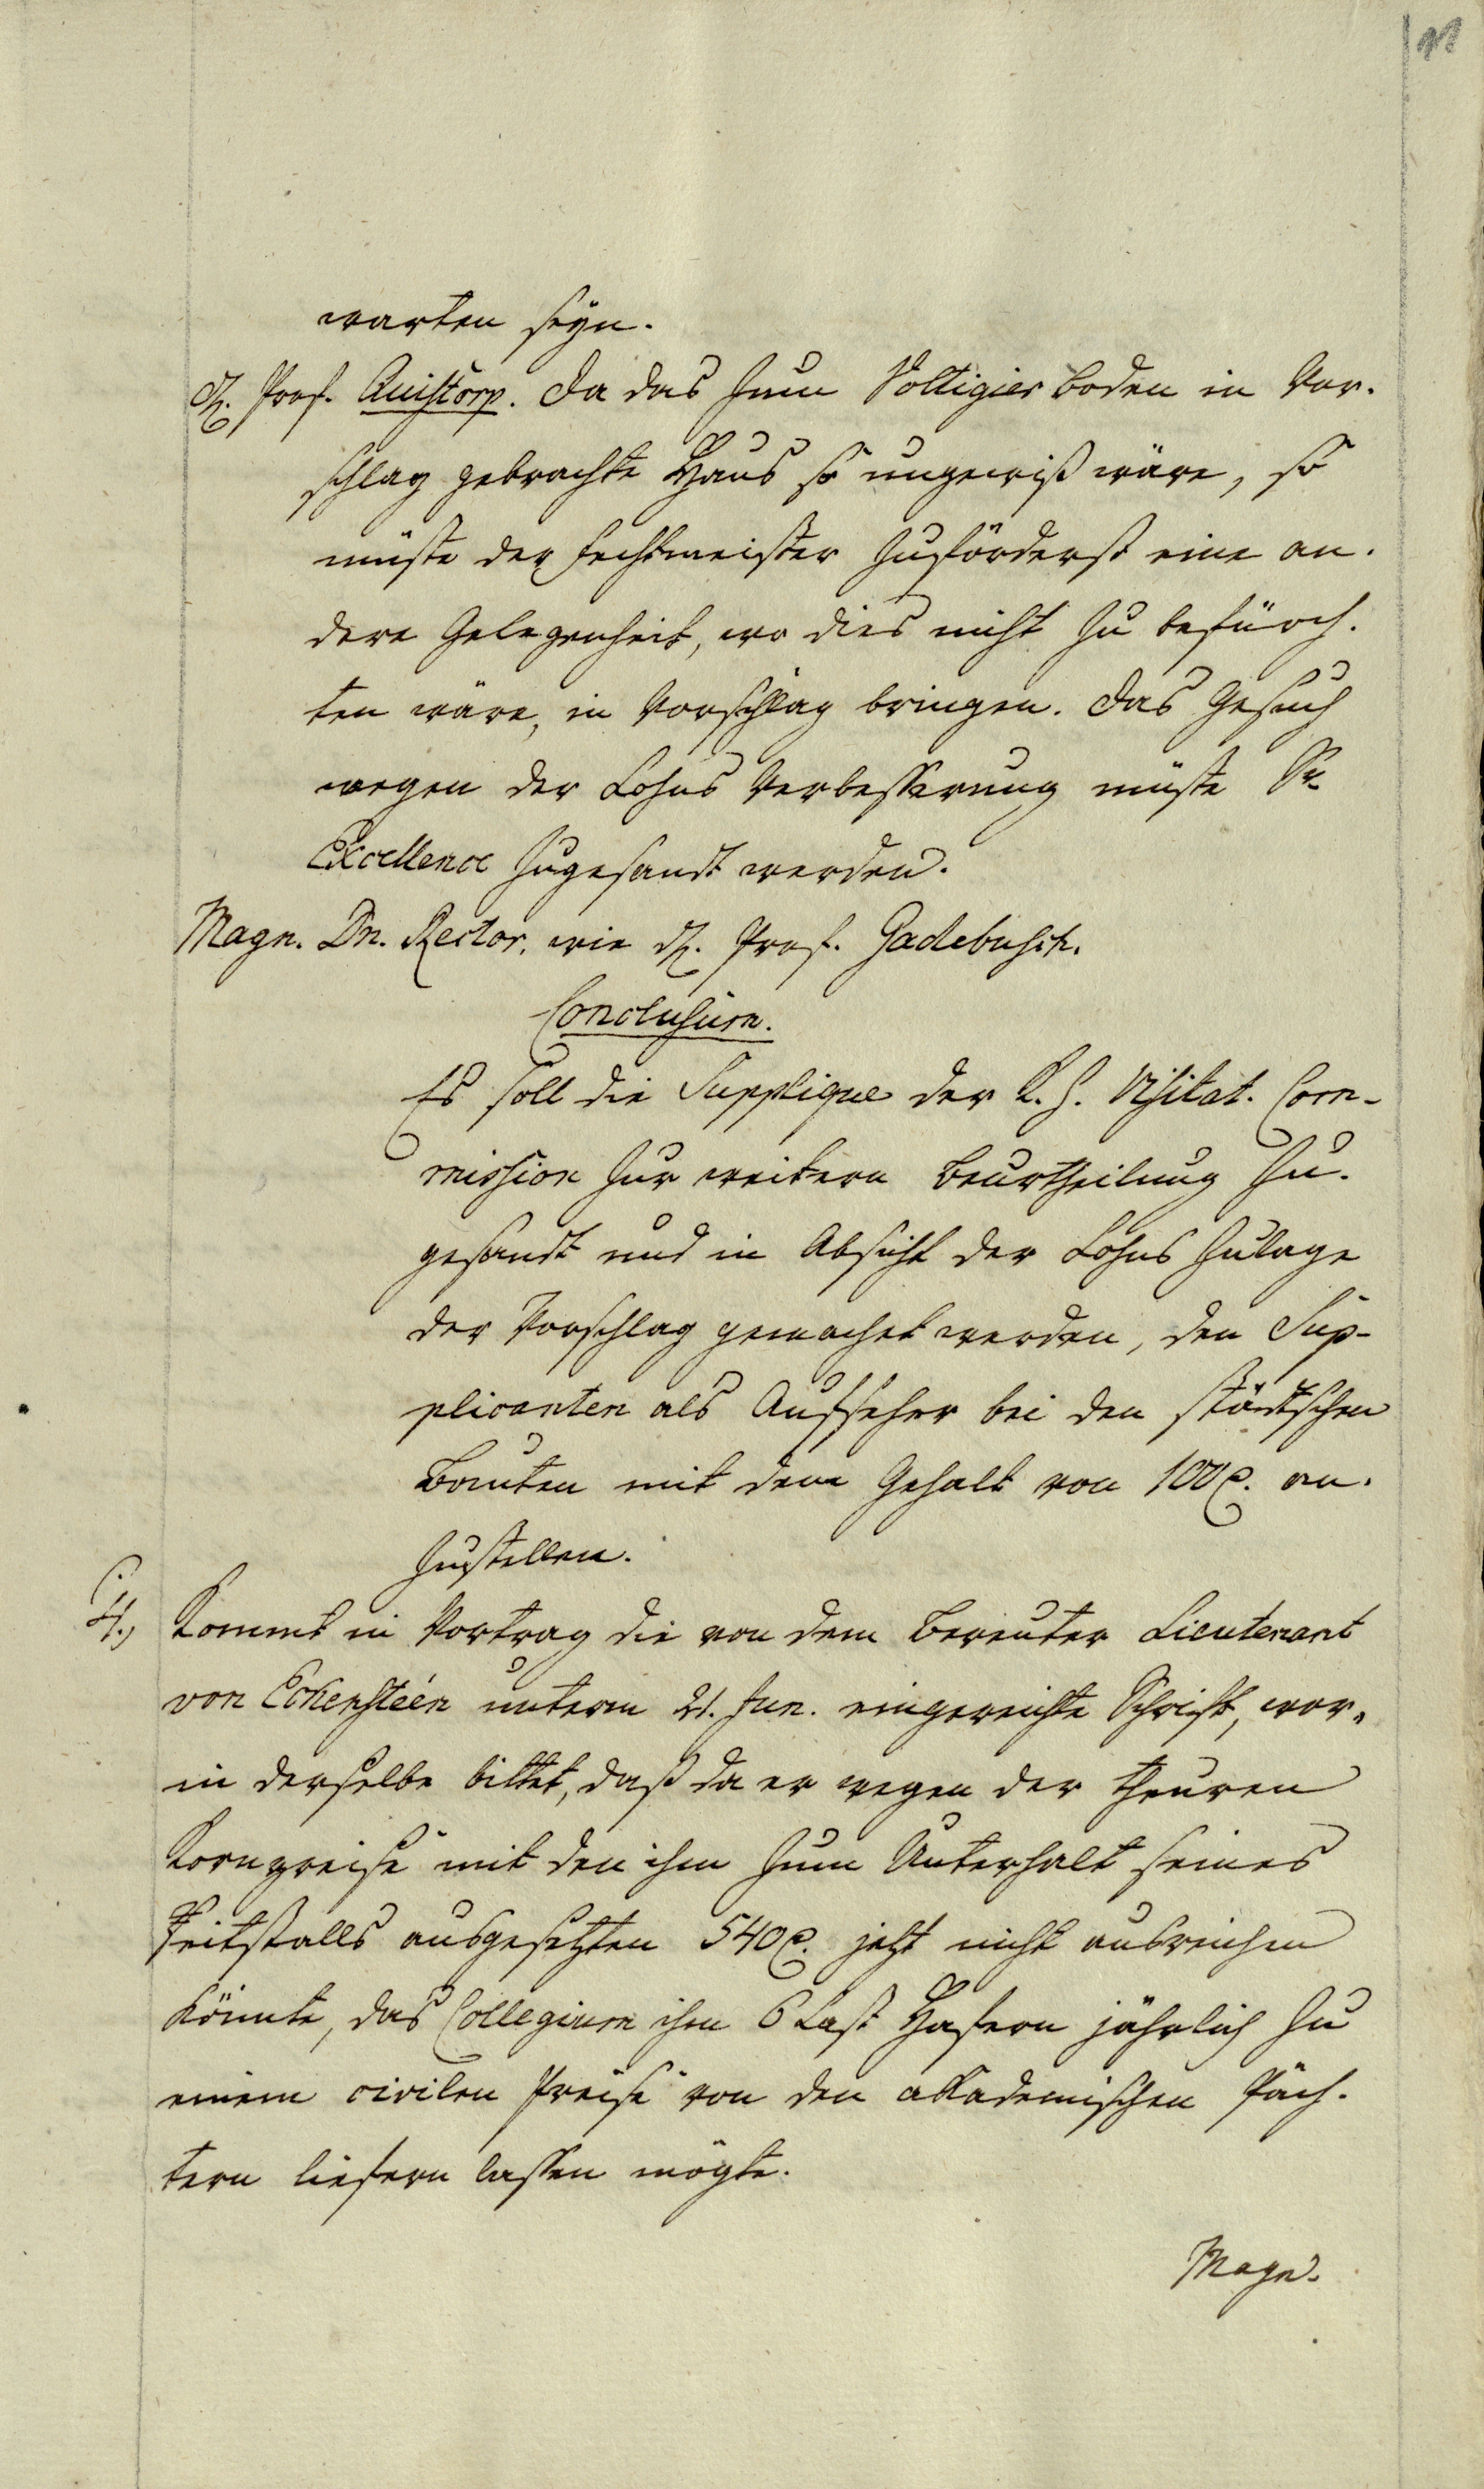warten seÿn.
dh. Prof. Quistorp. Da das zum Voltigier Boden in Vor¬
schlag gebrachte Haus so ungewiß wäre, so
müsste der Fechtmeister zuvörderst eine an¬
dere Gelegenheit, wo dies nicht zu befürch¬
ten wäre, in Vorschlag bringen. Das Gesuch
wegen der Lohns Verbesserung müsste Sr.
Excellence zugesandt werden.
Magn. Dn. Rector wie dh. Prof. Gadebusch.
Conclusum.
Es soll die Supplique der K. H. Visitat. Com¬
mission zur weitern Beurtheilung zu¬
gesandt und in Absicht der Lohns Zulage
der Vorschlag gemacht werden, den Sup¬
plicanten als Aufseher bei den städtischen
Bauten mit dem Gehalt von 100 rtl. an¬
zustellen.
4., Kommt in Vortrag die von dem Bereuter Lieutenant
von Eckensteén unterm 21. Jun. eingereichte Schrift, wor¬
in derselbe bittet, daß da er wegen der theuren
Kornpreise mit den ihm zum Unterhalt seines
Reitstalls ausgesetzten 540 rtl. jetzt nicht ausreichen
könnte, das Collegium ihm 6 Last Hafern jährlich zu
einem civilen Preise von den akademischen Päch¬
tern liefern lassen möchte.
Magn.